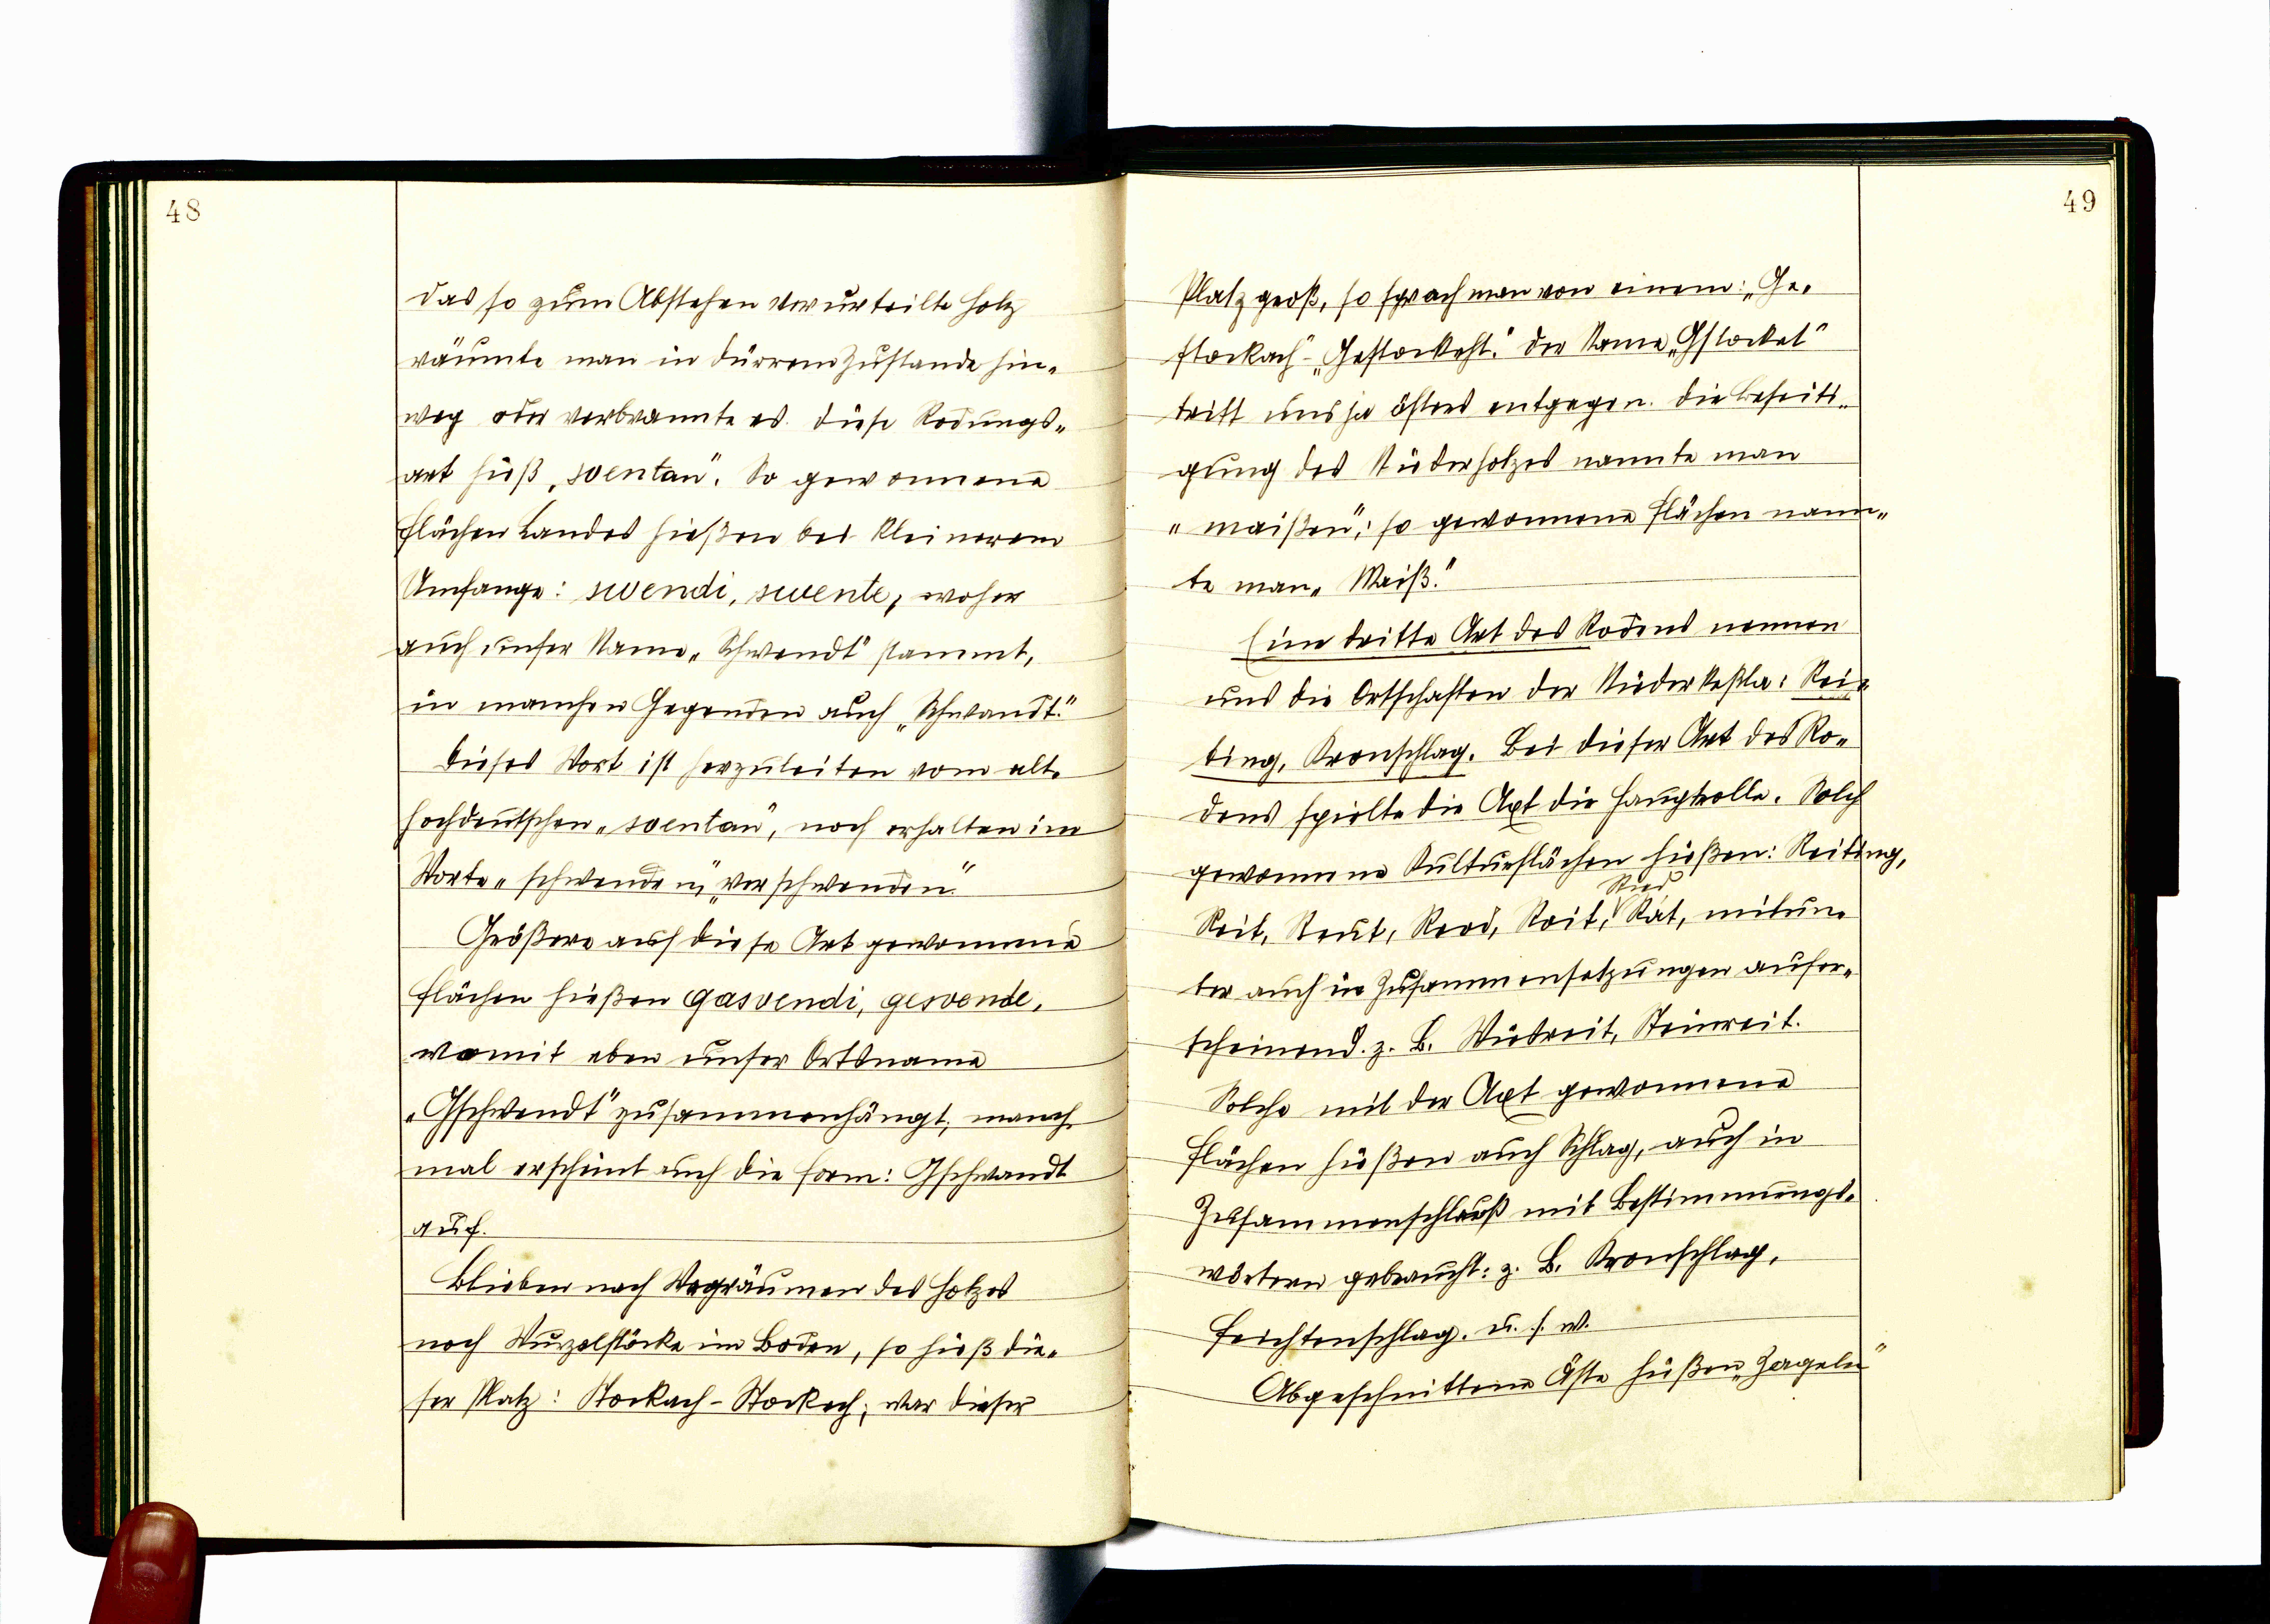das so zum Absesen zur teilte so
konnte an in der goroin zustande in¬
wir ob tirbdä unter er diese Forderung
Statuts 0 an ein rennoni
Elöchen Handel diesen bis bei worden
Anfang" den, stlnle, vom
auch einer Namen annimmt,
von Gewinn auch Stande.
büeses vor 1 herzuleiten von alten
ohlethtamban, noch erhalten die
treten schätzende in trshlend
erweist diese Ort grühommne
tläehn hin Anteil, Ende
sonst oben unter btname.
Bssohtens" gussamas legte mag
Emil iesstint auch die Eanftrond.
auch.
Cibmaf egrauege die setzt
nach Bzukoikea Boden hat daß der
Ersatz Kooech Sotsinch der dieser
Plätz Jeß, für ftptbachan von Berendes¬
ftockac estokest. Die Konastochet
Frist uns in bstrnt entgegen bei Beseitt
Leistung des ihr hotzeh nahm te man
Diesen gekommen diesen genügen
te man Mai¬
in Seite Geht des recht man
und bei Eetschastm die Seiüdrbeßtan Rechte
trag Koonssag. bei dieser Art des Vor
den spitte die Art die Eokstollg. Die¬
dem tbäslghten ließ. beiden,
schon
Seitens, und Seite Tat, weiteren
ber auch die hilfometnsetzngen bessere
tefeiend ist B. richtet .bereits
solches wohl ber Art gewonnen
Sachen und als lag, sich die
Zisamenschtrß mit esttmmtagt
Betrage gebrauch es B ronclag
[niehtensahlag Die als
eintragen